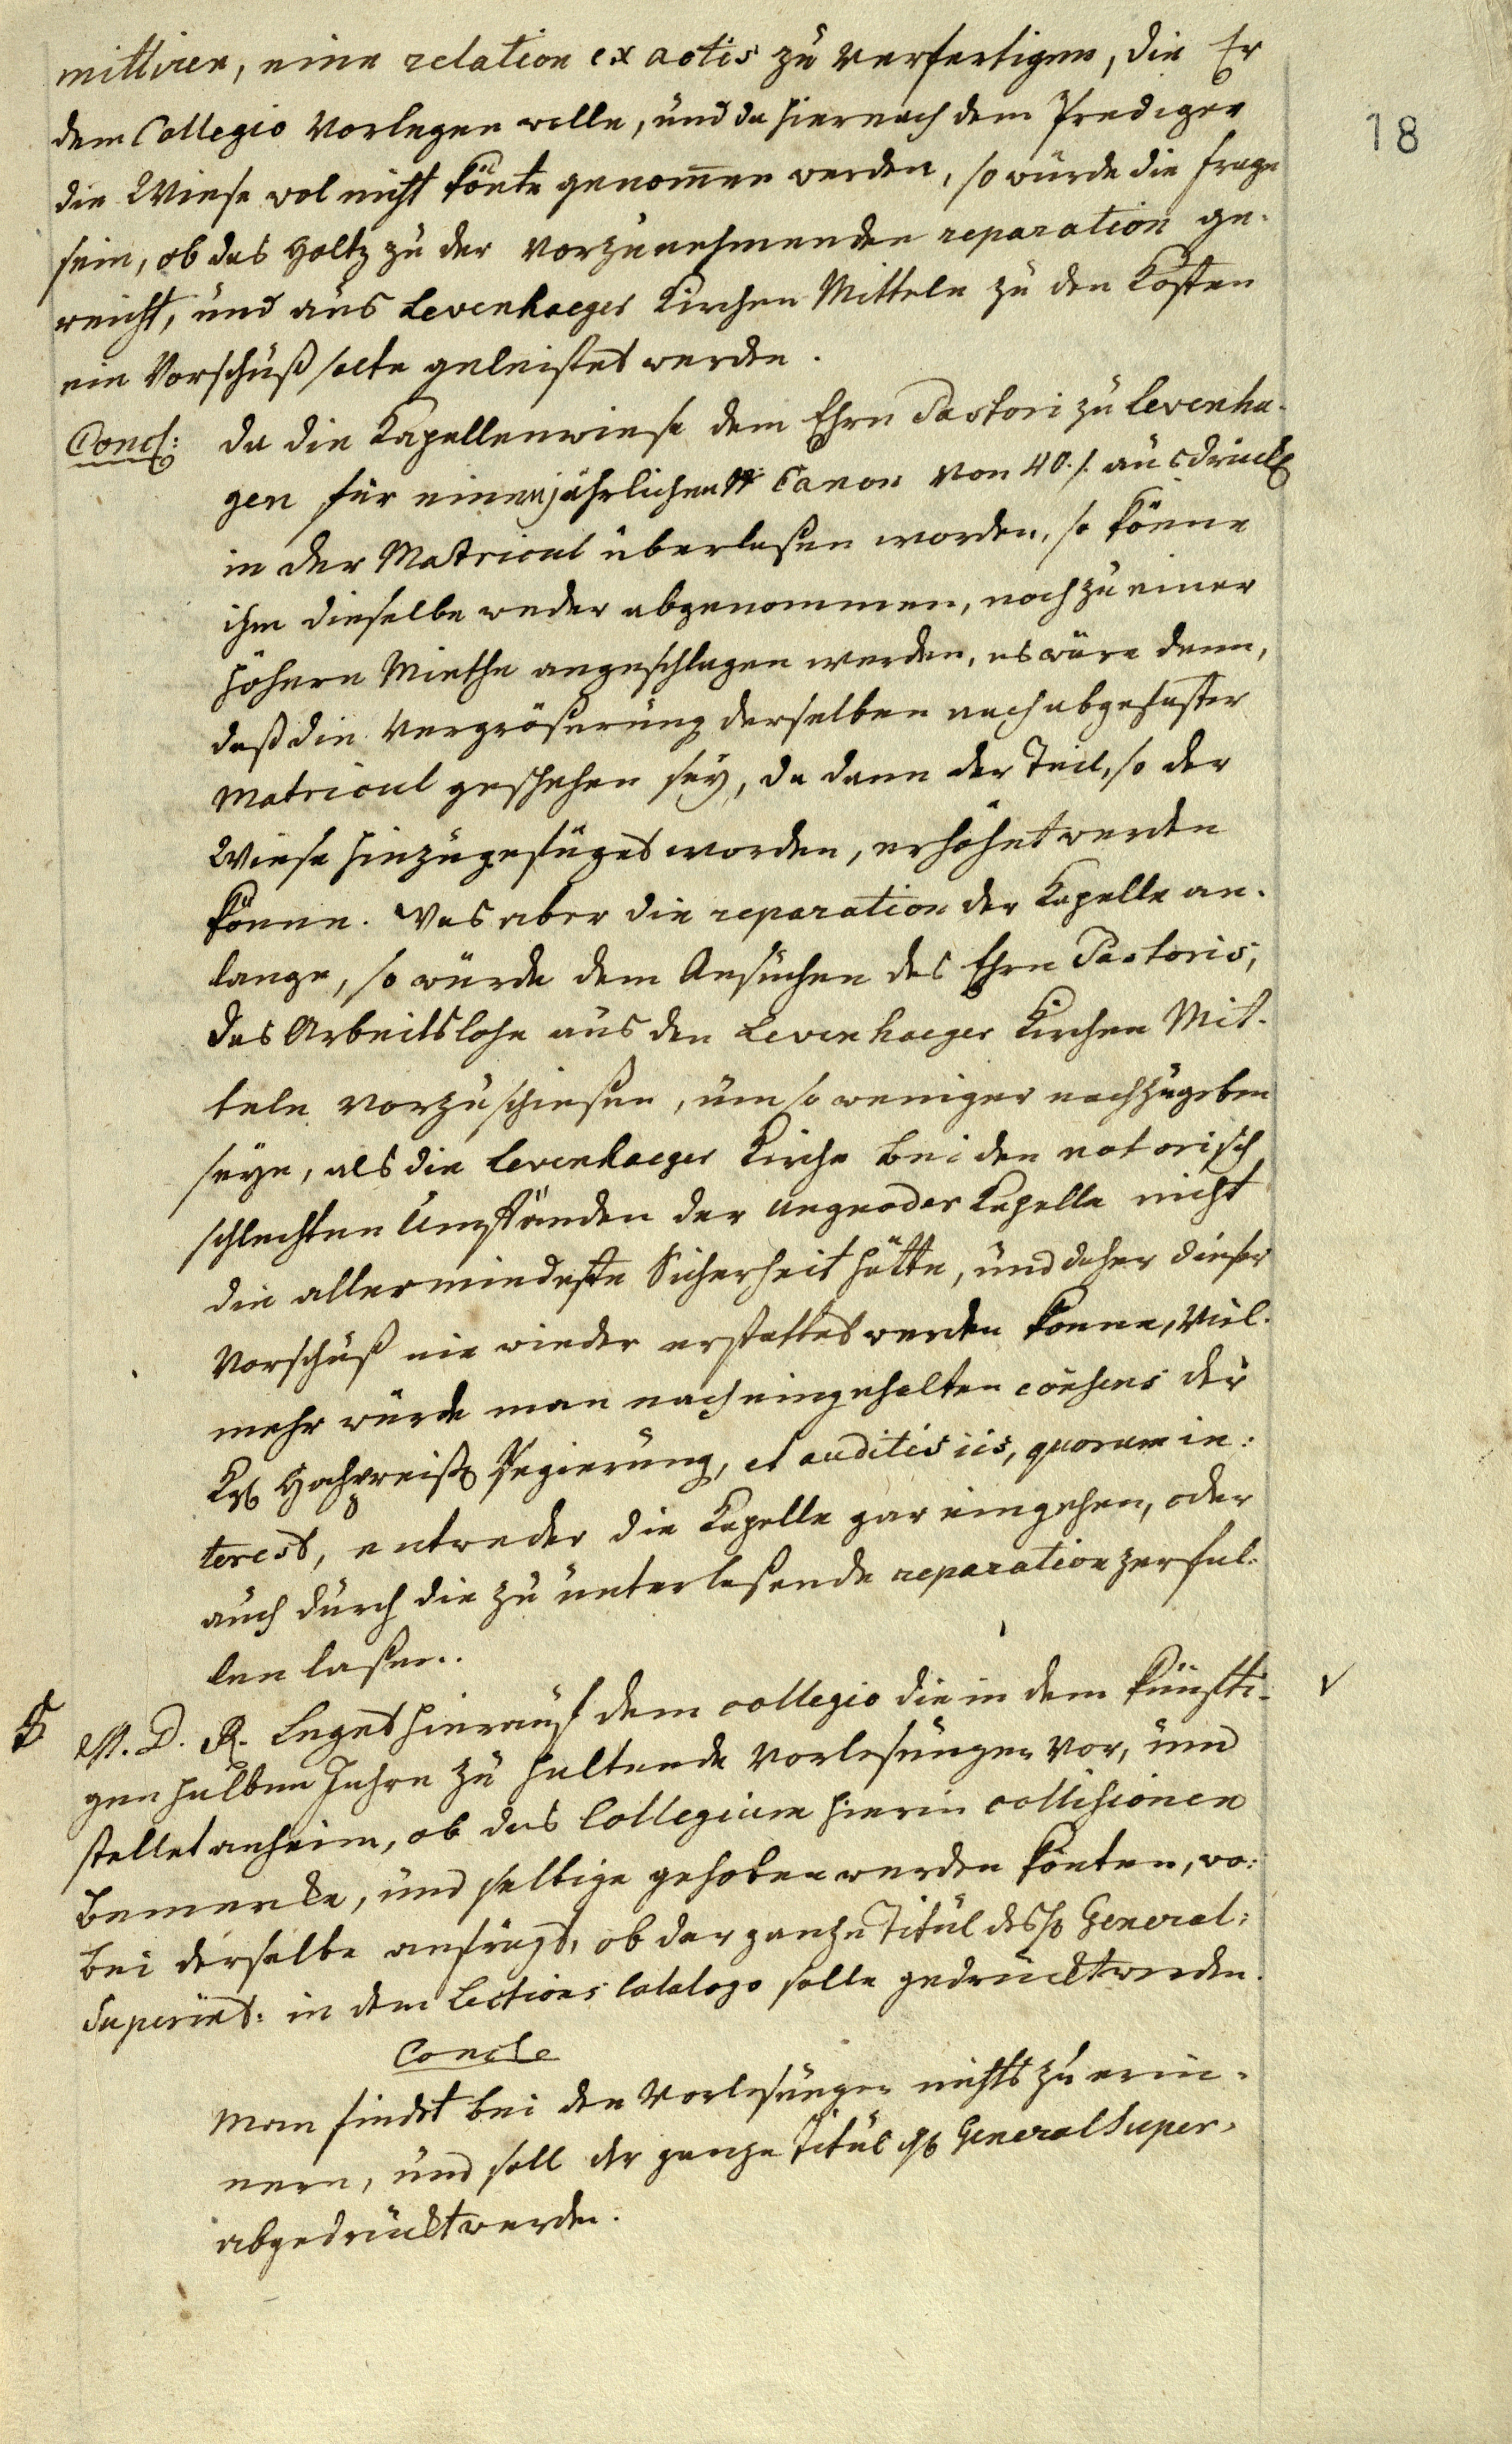mittiren, eine relation ex actis zu verfertigen, die Er
dem Collegio vorlegen wolle, und da hiernach dem Prediger
die Wiese wol nicht könte genomen werden, so würde die Frage
sein, ob das Holtz zu der vorzunehmenden reparation ge¬
reicht, und aus Levenhaeger Kirchen Mitteln zu den Kosten
ein Vorschuß solte geleistet werden.
Concl. Da die Kapellenwiese dem Ehrn Pastori zu Levenha¬
gen für einen jährlichen Canon von 40. s. ausdrückl.
in der Matricul überlaßen worden, so könne
ihm dieselbe weder abgenommen, noch zu einer
höhern Miethe angeschlagen werden, es wäre denn,
daß die Vergrößerung derselben nach abgefaster
Matricul geschehen seÿ, da dann der Teil, so der
Wiese hinzugefüget worden, erhöhet werden
könne. Was aber die reparation der Kapelle an¬
lange, so würde dem Ansuchen des Ehrn Pastoris,
das Arbeitslohn aus den Levenhaeger Kirchen Mit¬
teln vorzuschießen, um so weniger nachzugeben
seÿn, als die Levenhaeger Kirche bei den notorisch
schlechten Umständen der Ungnader Kapelle nicht
die allerminderste Sicherheit hätte, und daher dieser
Vorschuß nie wieder erstattet werden könne, viel¬
mehr würde man nach eingeholten consens der
Kgl. Hochpreißl. Regierung, et auditis iis quorum in¬
teress, entweder die Kapelle gar eingehen, oder
auch durch die zu unterlaßende reparation zerfal¬
len laßen.
8. M. D. R. Leget hierauf dem collegio die in dem künfti¬
gen halben Jahre zu haltende Vorlesungen vor, und
stellet anheim, ob das Collegium hierin collisionen
bemercke, und selbige gehoben werden könten, wo¬
bei derselbe anfrägt, ob der ganze Titul desh. General¬
Superint. in dem Lections catalogo solle gedruckt werden.
Concl.
Man findet bei den Vorlesungen nichts zu erin¬
nern, und soll der ganze Titul dh. GeneralSuper.
abgedruckt werden.